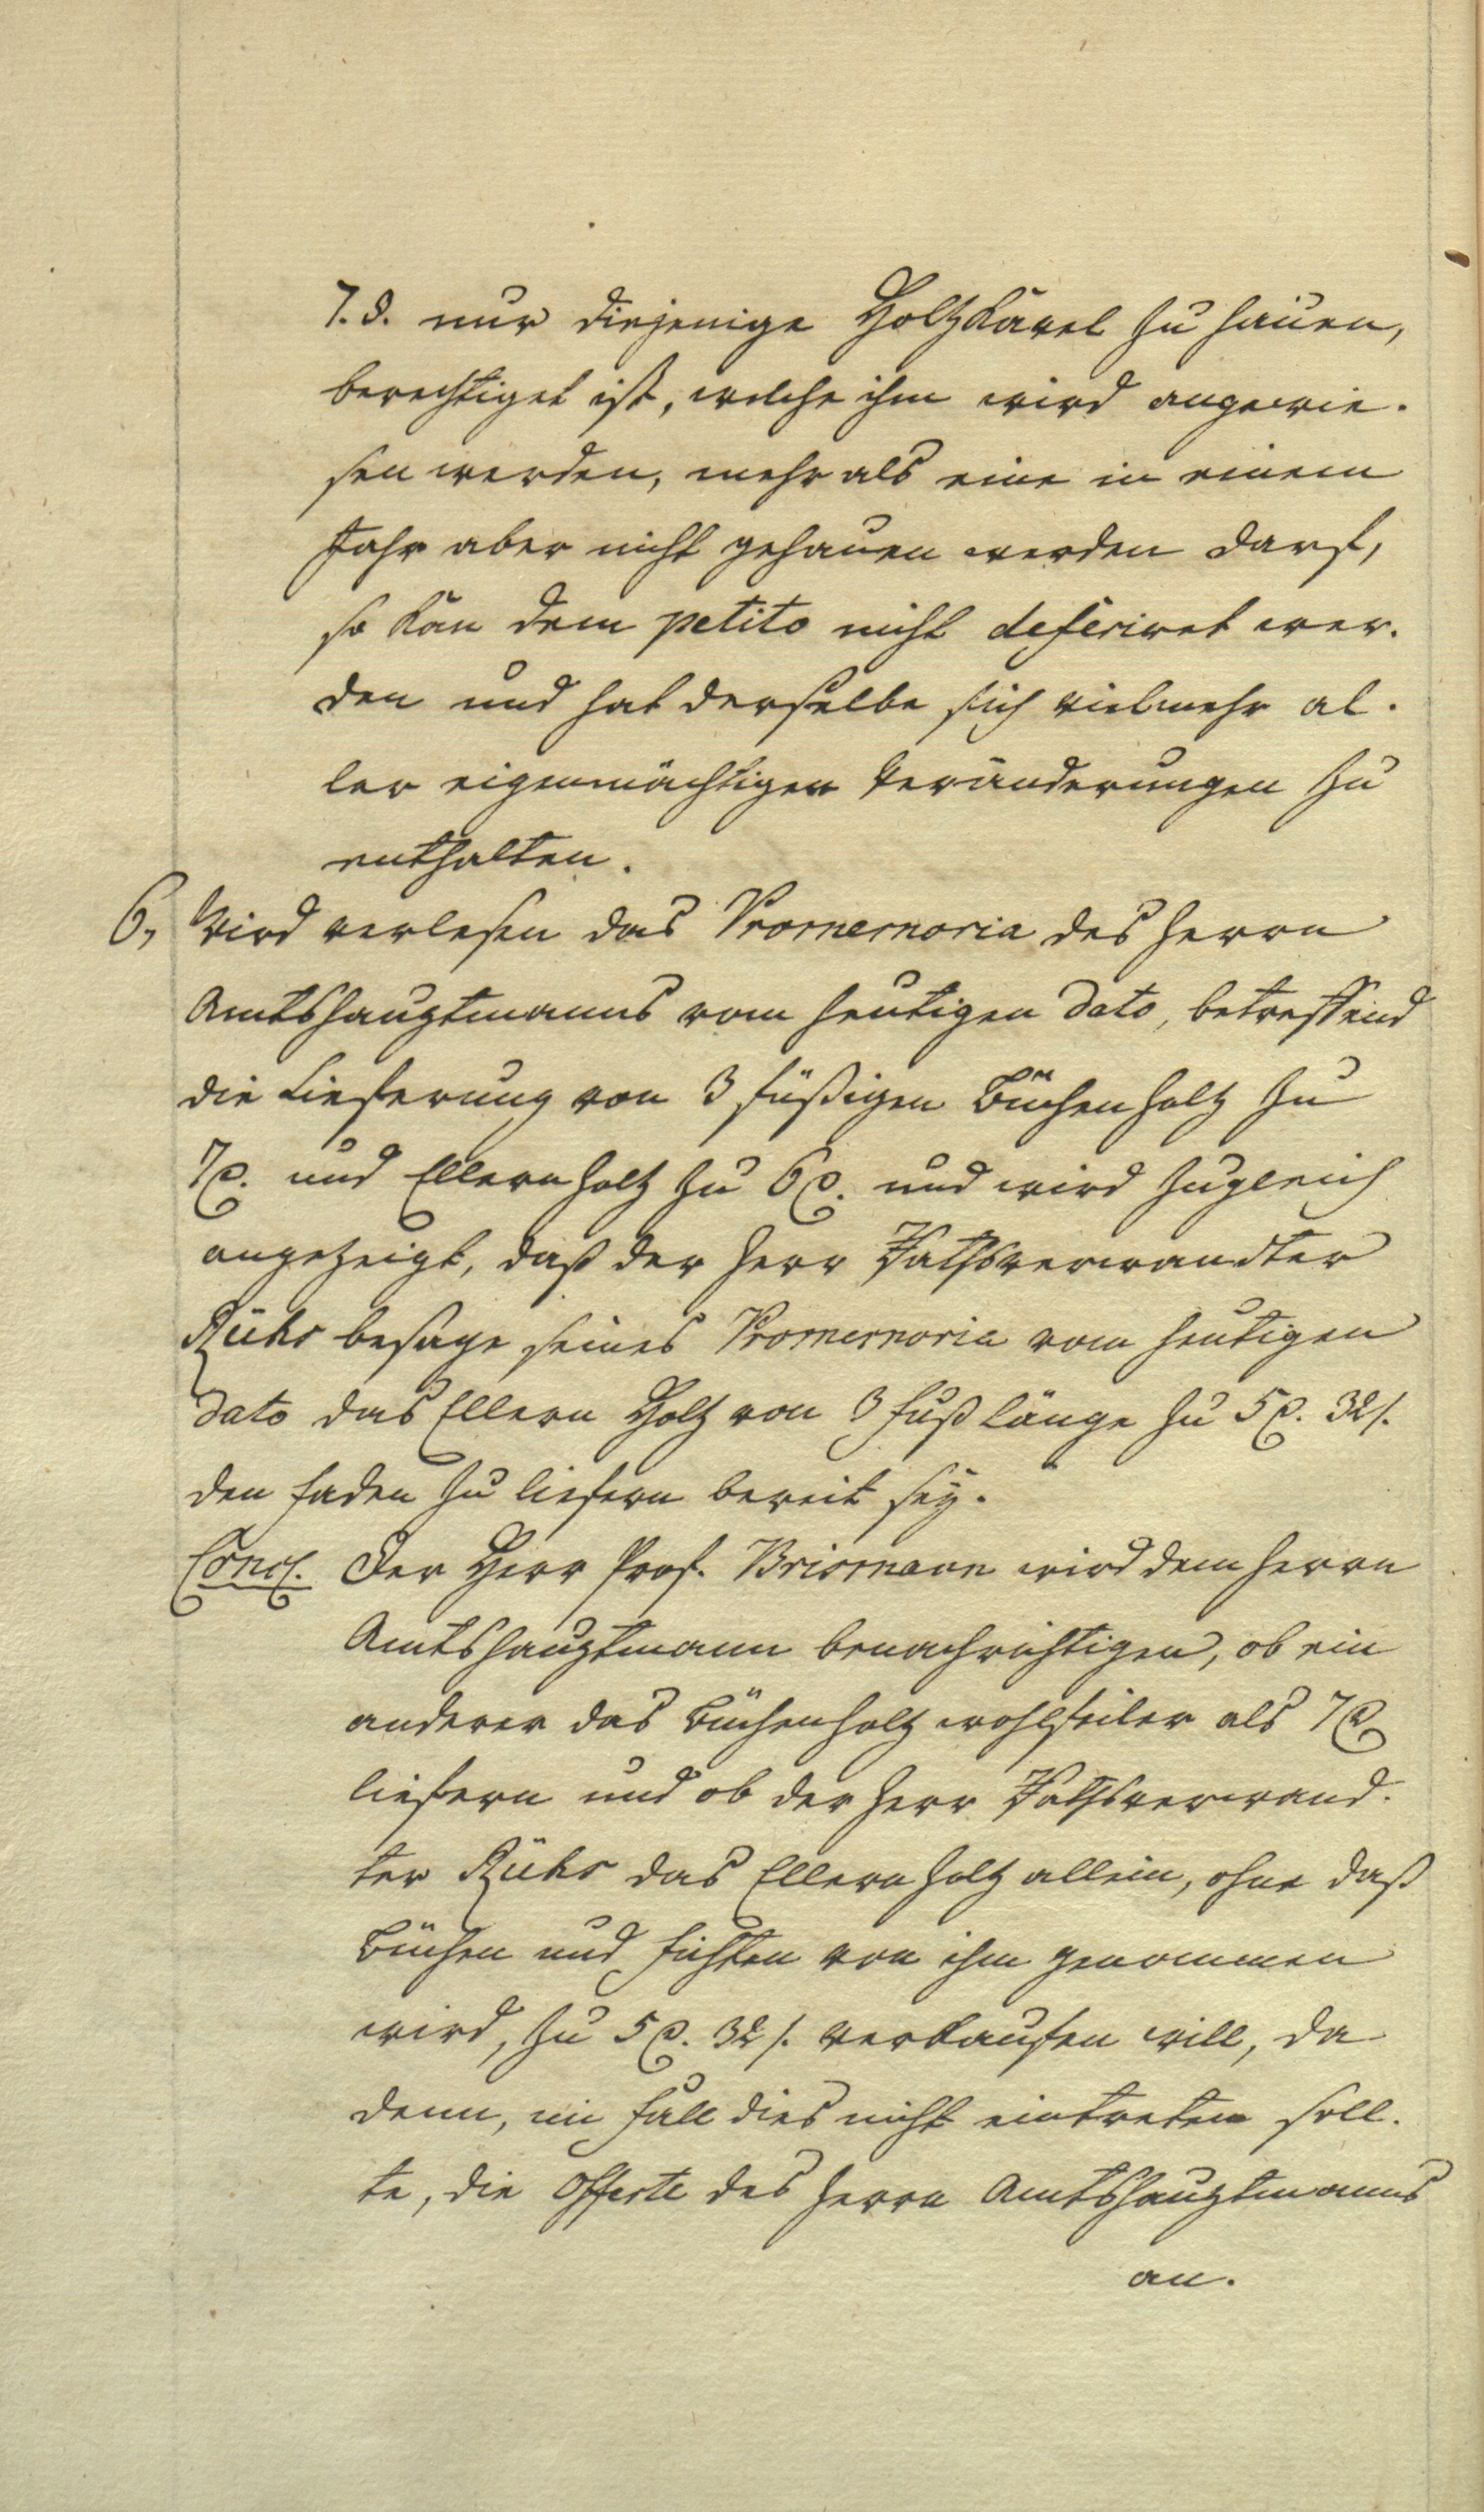7. §. nur diejenige Holzkavel zu hauen,
berechtiget ist, welche ihm wird angewie¬
sen werden, mehr als eine in einem
Jahr aber nicht gehauen werden darf,
so kan dem petito nicht deferiret wer¬
den und hat derselbe sich vielmehr al¬
ler eigenmächtigen Veränderungen zu
enthalten.
6., Wird verlesen das Promemoria des Herrn
Amtshauptmanns vom heutigen dato, betreffend
die Lieferung von 3 füßigen Buchenholz zu
7 l. und Ellernholz zu 6 l. und wird zugleich
angezeigt, daß der Herr Rathsverwandter
Rühs besage seines Promemoria vom heutigen
dato das Ellern Holz von 3 Fuß Länge zu 5 l. 32 s.
den Faden zu liefern bereit seÿ.
Concl. Der Herr Prof. Brismann wird dem Herrn
Amtshauptmann benachrichtigen, ob ein
anderer das Büchenholz wohlfeiler als 7 l.
liefern und ob der Herr Rathsverwand¬
ter Rühs das Ellern Holz allein, ohne daß
Büchen und Fichten von ihm genommen
wird, zu 5 l. 32 s. verkaufen will, da
denn, im Fall dies nicht eintreten soll¬
te, die Offerte des Herrn Amtshauptmanns
an¬